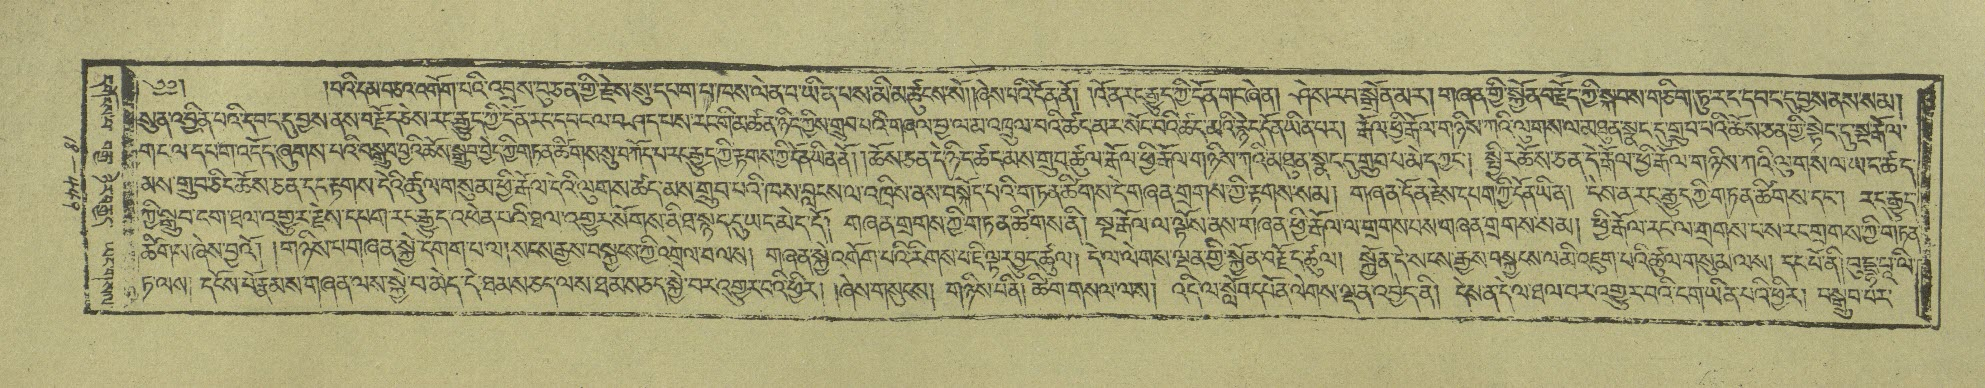༄༅། །བའི་དམ་བཅའ་འགོག་པའི་འབྲས་བུ་ཅན་གྱི་རྗེས་སུ་དཔག་པ་ཁས་ལེན་པ་ཡིན་པས་མི་མཚུངས་སོ། །ཞེས་པའི་དོན་ནོ། །འོ་ན་རང་རྒྱུད་ཀྱི་དོན་གང་ཞེ་ན། ཤེས་རབ་སྒྲོན་མར། གཞན་གྱི་སྐྱོན་བརྗོད་ཀྱི་སྐབས་གཅིག་ཏུ་རང་དབང་དུ་བྱས་ནས་སམ།
སུན་འབྱིན་པའི་དབང་དུ་བྱས་ནས་བརྗོད་ཅེས་རང་རྒྱུད་ཀྱི་དོན་རང་དབང་ལ་བཤད་པས་རང་གི་མཚན་ཉིད་ཀྱིས་གྲུབ་པའི་གཞལ་བྱ་ལ་མ་འཁྲུལ་པའི་ཚད་མར་སོང་བའི་ཚད་མའི་རྙེད་དོན་ཡིན་པར། རྒོལ་ཕྱི་རྒོལ་གཉིས་ཀའི་ལུགས་ལ་མཐུན་སྣང་དུ་གྲུབ་པའི་ཆོས་ཅན་གྱི་སྟེང་དུ་སྔ་རྒོལ་
གང་ལ་དཔག་འདོད་ཞུགས་པའི་བསྒྲུབ་བྱའི་ཆོས་སྒྲུབ་བྱེད་ཀྱི་གཏན་ཚིགས་སུ་བཀོད་པ་རང་རྒྱུད་ཀྱི་རྟགས་ཀྱི་དོན་ཡིན་ནོ། །ཆོས་ཅན་དེ་ཉིད་ཚད་མས་གྲུབ་ཚུལ་རྒོལ་ཕྱི་རྒོལ་གཉིས་ཀའི་མཐུན་སྣང་དུ་གྲུབ་པ་མེད་ཀྱང་། སྤྱིར་ཆོས་ཅན་དེ་རྒོལ་ཕྱི་རྒོལ་གཉིས་ཀའི་ལུགས་ལ་ཡང་ཚད་
མས་གྲུབ་ཅིང་ཆོས་ཅན་དང་རྟགས་དེའི་ཚུལ་གསུམ་ཕྱི་རྒོལ་དེའི་ལུགས་ཚད་མས་གྲུབ་པའི་ཁས་བླངས་ལ་འཁྲིས་ནས་བསྐོད་པའི་གཏན་ཚིགས་དེ་གཞན་གྲགས་ཀྱི་རྟགས་སམ། གཞན་དོན་རྗེས་དཔག་ཀྱི་དོན་ཡིན། དེས་ན་རང་རྒྱུད་ཀྱི་གཏན་ཚིགས་དང་། རང་རྒྱུད་
ཀྱི་སྒྲུབ་ངག་ཐལ་འགྱུར་རྗེས་དཔག་རང་རྒྱུད་འཕེན་པའི་ཐལ་འགྱུར་སོགས་ནི་ཐ་སྙད་དུ་ཡང་མེད་དོ། གཞན་གྲགས་ཀྱི་གཏན་ཚིགས་ནི། སྔ་རྒོལ་ལ་ལྟོས་ནས་གཞན་ཕྱི་རྒོལ་ལ་གྲགས་པས་གཞན་གྲགས་སམ། ཕྱི་རྒོལ་རང་ལ་གྲགས་པས་རང་གྲགས་ཀྱི་གཏན་
ཚིགས་ཞེས་བྱའོ། །གཉིས་པ་གཞན་སྐྱེ་དགག་པ་ལ། སངས་རྒྱས་བསྐྱངས་ཀྱི་འགྲེལ་པ་ལས། གཞན་སྐྱེ་འགོག་པའི་རིགས་པ་ཇི་ལྟར་བྱུང་ཚུལ། དེ་ལ་ལེགས་ལྡན་གྱི་སྐྱོན་བརྗོད་ཚུལ། སྐྱོན་དེ་སངས་རྒྱས་བསྐྱངས་ལ་མི་འཇུག་པའི་ཚུལ་གསུམ་ལས། དང་པོ་ནི། བུདྡྷ་པཱ་ལི་
ཏ་ལས། དངོས་པོ་རྣམས་གཞན་ལས་སྐྱེ་བ་མེད་དེ་ཐམས་ཅད་ལས་ཐམས་ཅད་སྐྱེ་བར་འགྱུར་བའི་ཕྱིར། །ཞེས་གསུངས། གཉིས་པ་ནི། ཚིག་གསལ་ལས། འདི་ལ་སློབ་དཔོན་ལེགས་ལྡན་འབྱེད་ནི། དེས་ན་དེ་ལ་ཐལ་བར་འགྱུར་བའི་ངག་ཡིན་པའི་ཕྱིར། བསྒྲུབ་པར་